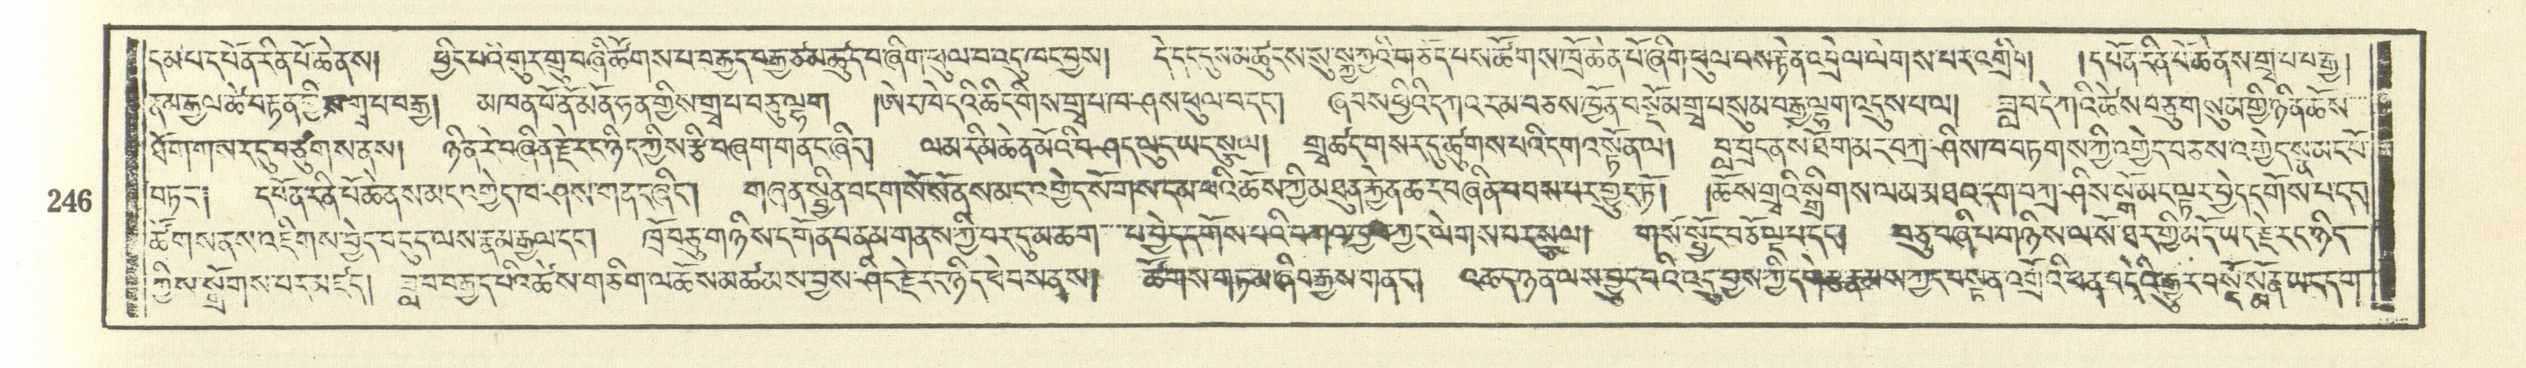དམ་པ་དཔོན་རིན་པོ་ཆེ་ནས། ཕྱིང་པའི་གྲུ་གྲུ་བཞི་ཚོགས་པ་བརྒྱད་བརྒྱ་ཙམ་ཚུད་བ་ཞིག་ཕུལ་བ་འདུ་ཁང་བྱས། དེ་དང་དུས་མཚུངས་སུ་སྐྱ་ཀྱའི་གཅོད་པས་ཚོགས་ཁྲོ་ཆེན་པོ་ཞིག་ཕུལ་བས་རྟེན་འབྲེལ་ལེགས་པར་འགྲིག །དཔོན་རིན་པོ་ཆེ་ནས་གྲྭ་པ་བརྒྱ།
རྣམ་རྒྱལ་ཚེ་བརྟན་གྱིས་གྲྭ་པ་བརྒྱ། མཁན་པོ་ནོ་མོན་ཧན་གྱིས་གྲྭ་པ་བཅུ་ལྷག །ཨེར་ཁེ་དའི་ཆིང་གིས་གྲྭ་པ་ཁ་ཤས་ཕུལ་བ་དང་། ཞབས་ཕྱིའི་དཀའ་རམ་བཅས་ཁྱོན་བསྡོམ་གྲྭ་པ་སུམ་བརྒྱ་ལྷག་འདུས་པ་ལ། ཟླ་བ་དེ་ཀའི་ཚེས་བཅུ་གསུམ་གྱི་ཉིན་ཆོས་
ཐོག་གསར་དུ་བཙུགས་ནས། ཉིན་རེ་བཞིན་རྗེ་རང་ཉིད་ཀྱིས་རྩི་བཞག་གནང་ཞིང་། ལམ་རིམ་ཆེན་མོའི་བཤད་ལུང་ཡང་སྩལ། གྲྭ་ཚང་གསར་དུ་ཚུགས་པའི་དགའ་སྟོན་ལ། བླ་བྲང་ནས་ཐོག་མང་བཀྲ་ཤིས་ཁ་བཏགས་ཀྱི་འགྱེད་བཅས་འགྱེད་སྣ་མང་པོ་
བཏང༑ དཔོན་རིན་པོ་ཆེ་ནས་མང་འགྱེད་ཁ་ཤས་གནང་ཞིང་། གཞན་སྦྱིན་བདག་སོ་སོ་ནས་མང་འགྱེད་སོགས་དམ་པའི་ཆོས་ཀྱི་མཐུན་རྐྱེན་ཆར་བཞིན་བབས་པར་གྱུར་ཏོ། །ཆོས་གྲྭའི་སྒྲིགས་ལམ་མཐའ་དག་བཀྲ་ཤིས་སྒོ་མང་ལྟར་བྱེད་དགོས་པ་དང་།
ཚོགས་ནས་འཇིགས་བྱེད་བདུད་ལས་རྣམ་རྒྱལ་དང་། ཁྲོ་བཅུ་གཉིས་དགོན་པ་ནམ་གནས་ཀྱི་བར་དུ་མ་ཆག་པ་བྱེད་དགོས་པའི་བཀའ་ཁྱབ་ཀྱང་ལེགས་པར་སྩལ། གསོ་སྦྱོང་བཅོ་ལྔ་པ་དང་། བཅུ་བཞི་པ་གཉིས་ལ་སོ་ཐར་གྱི་མདོ་ཡང་རྗེ་རང་ཉིད་
ཀྱིས་སྒྲོགས་པར་མཛད། ཟླ་བ་བརྒྱད་པའི་ཚེས་གཅིག་ལ་ཆོས་མཚམས་བྱས་ཤིང་རྗེ་རང་ཉིད་ཕེབས་ནས། ཚོགས་གཏམ་ཞིབ་རྒྱས་གནང་། འཆད་ཉན་ལས་བྱུང་བའི་འདུ་བྱས་ཀྱི་དགེ་རྩ་རྣམས་ཀྱང་བསྟན་འགྲོའི་ཕན་བདེའི་རྒྱུར་བསྡོ་སྨོན་ཡང་དག་